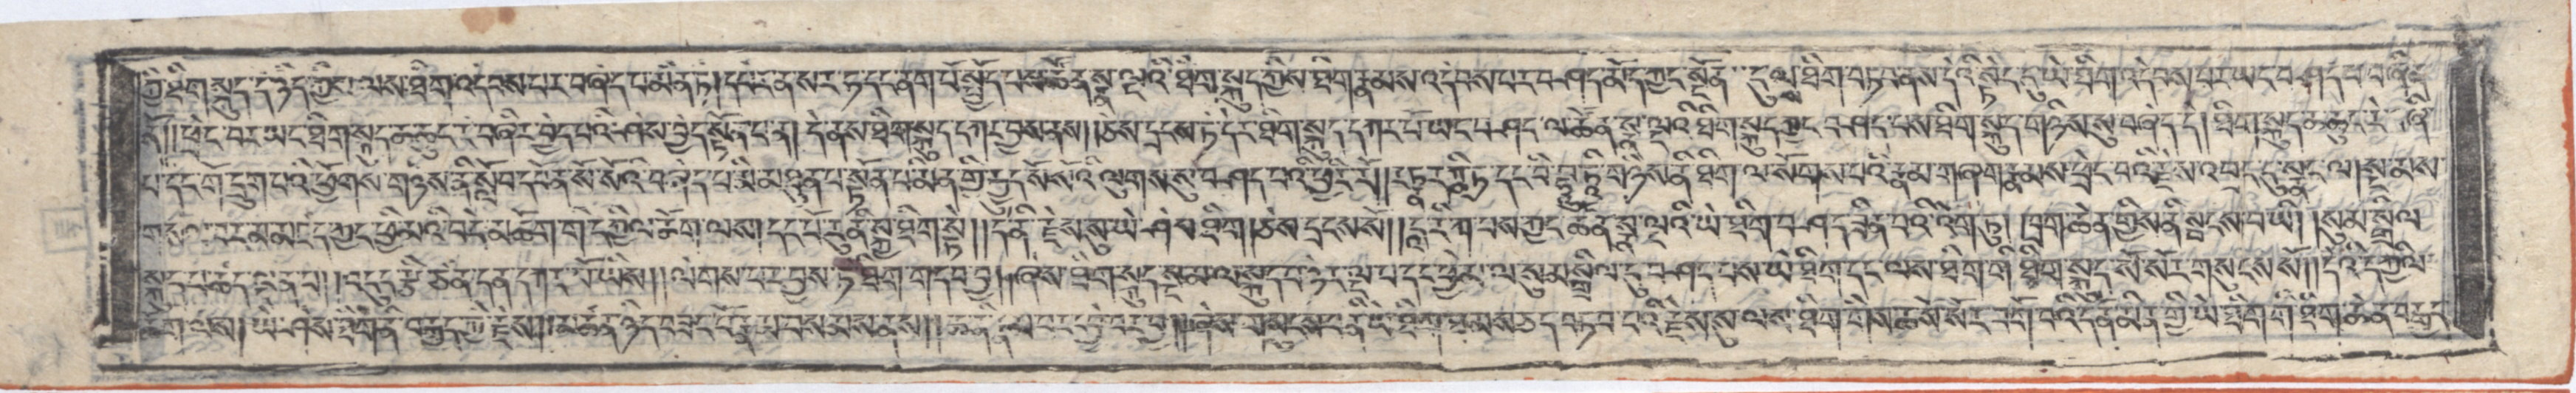ཀྱི་ཐིག་སྐུད་དེ་ཉིད་ཀྱིས་ལས་ཐིག་འདེབས་པར་བཞེད་པ་མིན་ཏེ། དཔེར་ན་ས་ར་ཧ་དང་ནག་པོ་སྤྱོད་པས་ཚོན་སྣ་ལྔའི་ཐིག་སྐུད་ཀྱིས་ཐིག་རྣམས་འདེབས་པར་བཤད་མོད་ཀྱང་སྔོན་དུ་ལས་ཐིག་བཏབ་ནས་དེའི་སྟེང་དུ་ཡེ་ཐིག་འདེབས་པར་ཡང་བཤད་པ་བཞིན་
ནོ། །ཕྲེང་བར་ཡང་ཐིག་སྐུད་ཆ་ཆུང་རེ་བཞིར་བྱེད་པའི་ཤེས་བྱེད་སྟོན་པ་ན། དེ་ནས་ཐིག་སྐུད་དཀར་བྱས་ནས། །ཅེས་དྲངས་ཏེ་དེར་ཐིག་སྐུད་དཀར་པོ་ཡང་བཤད་ལ་ཚོན་སྣ་ལྔའི་ཐིག་སྐུད་ཀྱང་བཤད་པས་ཐིག་སྐུད་གཉིས་སུ་བཞེད་དེ། ཐིག་སྐུད་ཆ་ཆུང་རེ་བཞི་
པ་དང་གོ་དྲུག་པའི་ཕྱོགས་གཉིས་ནི་སློབ་དཔོན་སོ་སོའི་བཞེད་པ་མི་མཐུན་པ་སྟོན་པ་མིན་གྱི་རྒྱུད་སོ་སོའི་ལུགས་སུ་བཤད་པའི་ཕྱིར་རོ། །རཏྣ་རཀྵི་ཏ་དང་བི་བྷཱུ་ཏཱི་གཉིས་ནི་ཐིག་ལ་སོགས་པའི་རྣམ་གཞག་རྣམས་ཕྲེང་བའི་རྗེས་འབྲང་དུ་སྣང་ལ། སྔ་མས་
གསལ་བར་མ་མཛད་ཀྱང་ཕྱི་མའི་བདེ་མཆོག་གི་དཀྱིལ་ཆོག་ལས། དང་པོ་རུ་ནི་སྐྱ་ཐིག་སྟེ། །དེ་ནི་རྗེས་སུ་ཡེ་ཤེས་ཐིག །ཅེས་དྲངས་སོ། །དཱ་རི་ཀ་པས་ཀྱང་ཚོན་སྣ་ལྔའི་ཡེ་ཐིག་བཤད་ཟིན་པའི་འོག་ཏུ། ཁྲག་ཆེན་གྱིས་ནི་སྤངས་བ་ཡི། །སུམ་སྒྲིལ་
སྐུད་པ་ཚད་ལྡན་པ། །འདུད་རྩི་ཙན་དན་དཀར་པོ་ཡིས། །ལེགས་པར་བྱས་ཏེ་ཐིག་གདབ་བྱ། །ཞེས་ཐིག་སྐུད་སྔ་མ་ལ་སྐུད་པ་ཉེར་ལྔ་པ་དང་ཕྱི་མ་ལ་སུམ་སྒྲིལ་དུ་བཤད་པས་ཡེ་ཐིག་དང་ལས་ཐིག་གི་ཐིག་སྐུད་སོ་སོར་གསུངས་སོ། །དེའི་དཀྱིལ་
ཆོག་ལས། ཡེ་ཤེས་ཐིག་ནི་བརྒྱད་ཀྱི་རྗེས། །མཚན་ཉིད་བཟང་པོ་རྣམ་བསམས་ནས། །ཆ་ནི་རྣམ་པར་དབྱེ་བར་བྱ། །ཞེས་གསུངས་པ་ནི་ཡེ་ཐིག་ཐམས་ཅད་བཏབ་པའི་རྗེས་སུ་ལས་ཐིག་གིས་ཆ་སོ་སོར་བགོ་བའི་དོན་མིན་གྱི་ཡེ་ཐིག་གི་ཐིག་ཆེན་བརྒྱད་